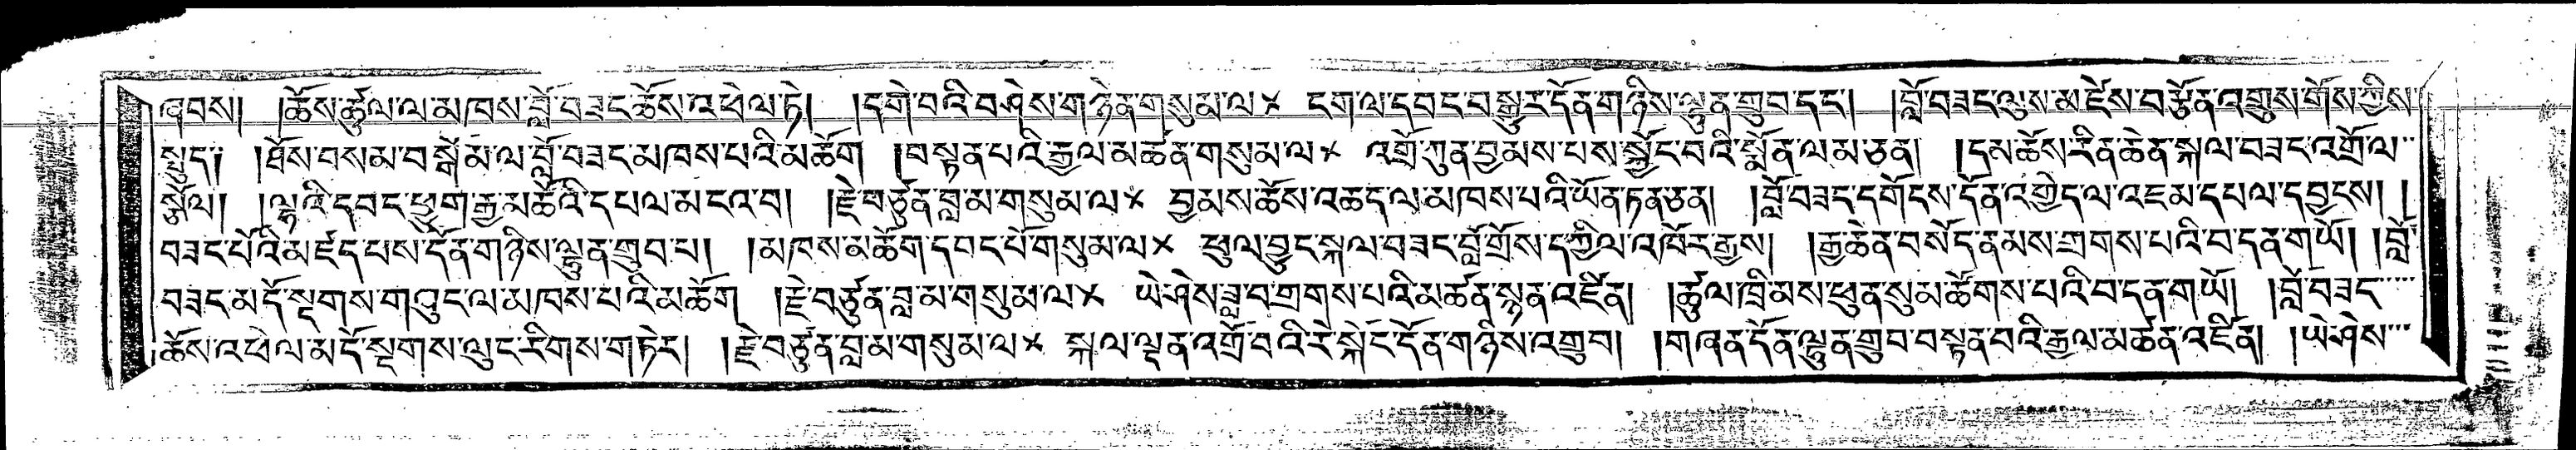ཞབས། །ཆོས་ཚུལ་ལ་མཁས་བློ་བཟང་ཆོས་འཕེལ་ཏེ། །དགེ་བའི་བཤེས་གཉེན་གསུམ་ལ་{྾}་ངག་ལ་དབང་བསྒྱུར་དོན་གཉིས་ལྷུན་གྲུབ་དང་། །བློ་བཟང་ལུས་མཛེས་བརྩོན་འགྲུས་གོས་ཀྱིས་
སྤུད༑ །ཐོས་བསམ་བསྒོམ་ལ་བློ་བཟང་མཁས་པའི་མཆོག །བསྟན་པའི་རྒྱལ་མཚན་གསུམ་ལ་{྾}་འགྲོ་ཀུན་བྱམས་པས་སྐྱོང་བའི་སྨོན་ལམ་ཅན། །དམ་ཆོས་རིན་ཆེན་སྐལ་བཟང་འགྲོ་ལ་
སྩོལ། །ལྷའི་དབང་ཕྱུག་རྒྱ་མཚོའི་དཔལ་མངའ་བ། །རྗེ་བཙུན་བླ་མ་གསུམ་ལ་{྾}་བྱམས་ཆོས་འཆད་ལ་མཁས་པའི་ཡོན་ཏན་ཅན། །བློ་བཟང་དགོངས་དོན་འགྱེད་ལ་འཇམ་དཔལ་དབྱངས། །
བཟང་པོའི་མཛད་པས་དོན་གཉིས་ལྷུན་གྲུབ་པ། །མཁས་མཆོག་དབང་པོ་གསུམ་ལ་{྾}་ཕུལ་བྱུང་སྐལ་བཟང་བློ་གྲོས་དཀྱིལ་འཁོར་རྒྱས། །རྒྱ་ཆེན་བསོད་ནམས་གྲགས་པའི་བ་དན་གཡོ། །བློ་
བཟང་མདོ་སྔགས་གཞུང་ལ་མཁས་པའི་མཆོག །རྗེ་བཙུན་བླ་མ་གསུམ་ལ་{྾}་ཡེ་ཤེས་ཟླ་བ་གྲགས་པའི་མཚན་སྙན་འཛིན། །ཚུལ་ཁྲིམས་ཕུན་སུམ་ཚོགས་པའི་བ་དན་གཡོ། །བློ་བཟང་
ཆོས་འཕེལ་མདོ་སྔགས་ལུང་རིགས་གཏེར། །རྗེ་བཙུན་བླ་མ་གསུམ་ལ་{྾}་སྐལ་ལྡན་འགྲོ་བའི་རེ་སྐོང་དོན་གཉིས་འགྲུབ། །གཞན་དོན་ལྷུན་གྲུབ་བསྟན་པའི་རྒྱལ་མཚན་འཛིན། །ཡེ་ཤེས་